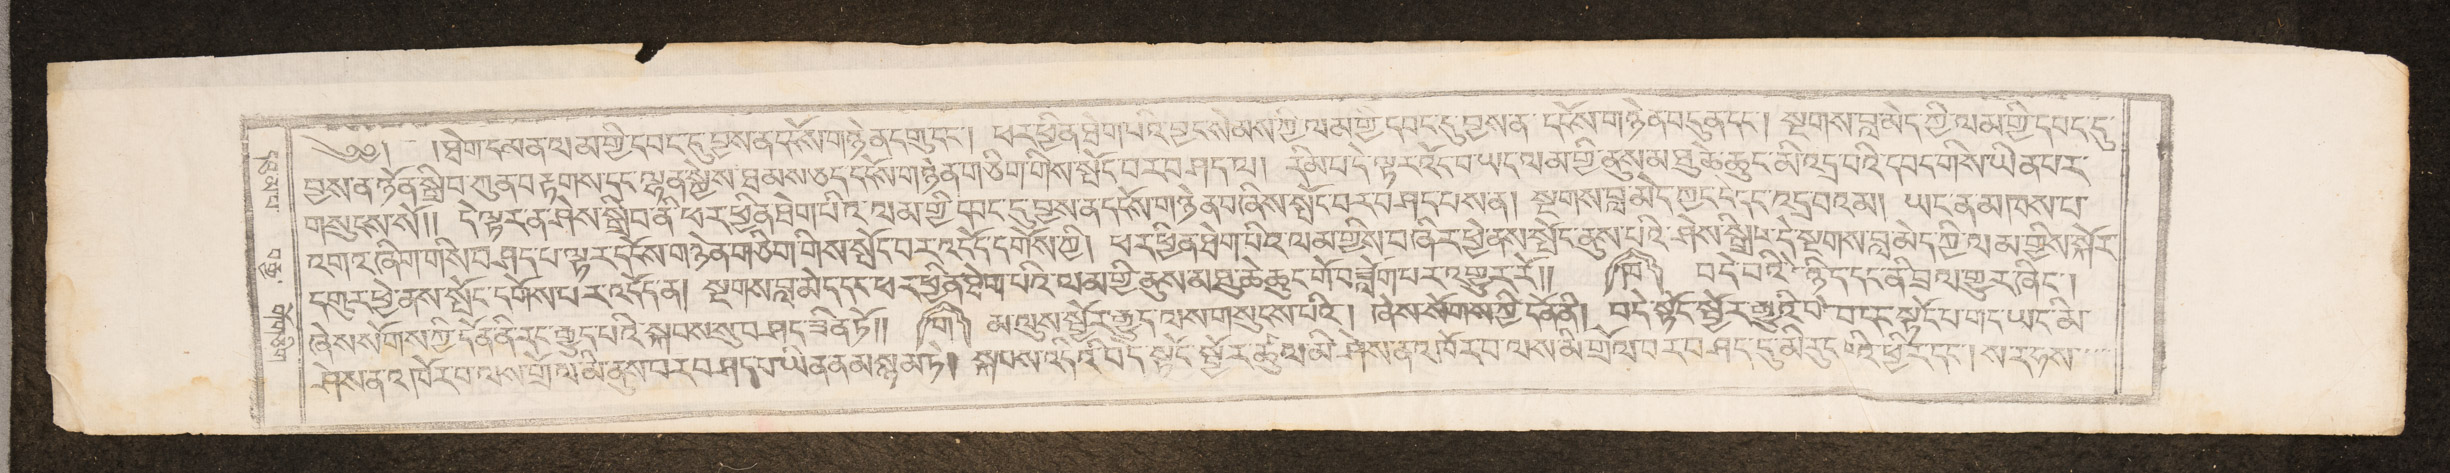༄༅། །ཐེག་དམན་ལམ་གྱི་དབང་དུ་བྱས་ན་དངོས་གཉེན་དགུ་དང་། ཕར་ཕྱིན་ཐེག་པའི་བྱང་སེམས་ཀྱི་ལམ་གྱི་དབང་དུ་བྱས་ན་དངོས་གཉེན་བདུན་དང་། སྔགས་བླ་མེད་ཀྱི་ལམ་གྱི་དབང་དུ་
བྱས་ན་ཉོན་སྒྲིབ་ཀུན་བརྟགས་དང་ལྷན་སྐྱེས་ཐམས་ཅད་དངོས་གཉེན་གཅིག་གིས་སྤོང་བར་བཤད་ལ། རིམ་པ་དེ་ལྟར་འོང་བ་ཡང་ལམ་གྱི་ནུས་མཐུ་ཆེ་ཆུང་མི་འདྲ་བའི་དབང་གིས་ཡིན་པར་
གསུངས་སོ།། དེ་ལྟར་ན་ཤེས་སྒྲིབ་ནི་ཕར་ཕྱིན་ཐེག་པའི་ལམ་གྱི་དབང་དུ་བྱས་ན་དངོས་གཉེན་བཞིས་སྤོང་བར་བཤད་པས་ན། སྔགས་བླ་མེད་ཀྱང་དེ་དང་འདྲ་བའམ། ཡང་ན་མཁས་པ་
འགའ་ཞིག་གིས་བཤད་པ་ལྟར་དངོས་གཉེན་གཅིག་གིས་སྤོང་བར་འདོད་དགོས་ཀྱི། ཕར་ཕྱིན་ཐེག་པའི་ལམ་གྱིས་བཞིར་ཕྱེ་ནས་སྤོང་ནུས་པའི་ཤེས་སྒྲིབ་དེ་སྔགས་བླ་མེད་ཀྱི་ལམ་གྱིས་སྐོར་
དགུར་ཕྱེ་ནས་སྤོང་དགོས་པར་འདོད་ན། སྔགས་བླ་མེད་དང་ཕར་ཕྱིན་ཐེག་པའི་ལམ་གྱི་ནུས་མཐུ་ཆེ་ཆུང་གོ་བཟློག་པར་འགྱུར་རོ།། ༼༽ཁ༼༽ བདེ་བའི་དེ་ཉིད་དང་ནི་བྲལ་གྱུར་ཞིང་།
ཞེས་སོགས་ཀྱི་དོན་ནི་རང་རྒྱུད་པའི་སྐབས་སུ་བཤད་ཟིན་ཏོ།། ༼༽ག༼༽ མ་ལུས་སྤྱོར་རྒྱུད་ལས་གསུངས་པའི། ཞེས་སོགས་ཀྱི་དོན་ནི། བདེ་སྟོང་སྦྱོར་རྒྱུའི་བདེ་བ་དང་སྟོང་པ་གང་ཡང་མི་
ཤེས་ན་འཁོར་བ་ལས་གྲོལ་མི་ནུས་པར་བཤད་པ་ཡིན་ནམ་སྙམ་ཏེ། སྐབས་འདིའི་བདེ་སྟོང་སྦྱོར་ཚུལ་མི་ཤེས་ན་འཁོར་བ་ལས་མི་གྲོལ་བར་བཤད་དུ་མི་རུང་བའི་ཕྱིར་དང་། ས་ར་ཧ་ས་